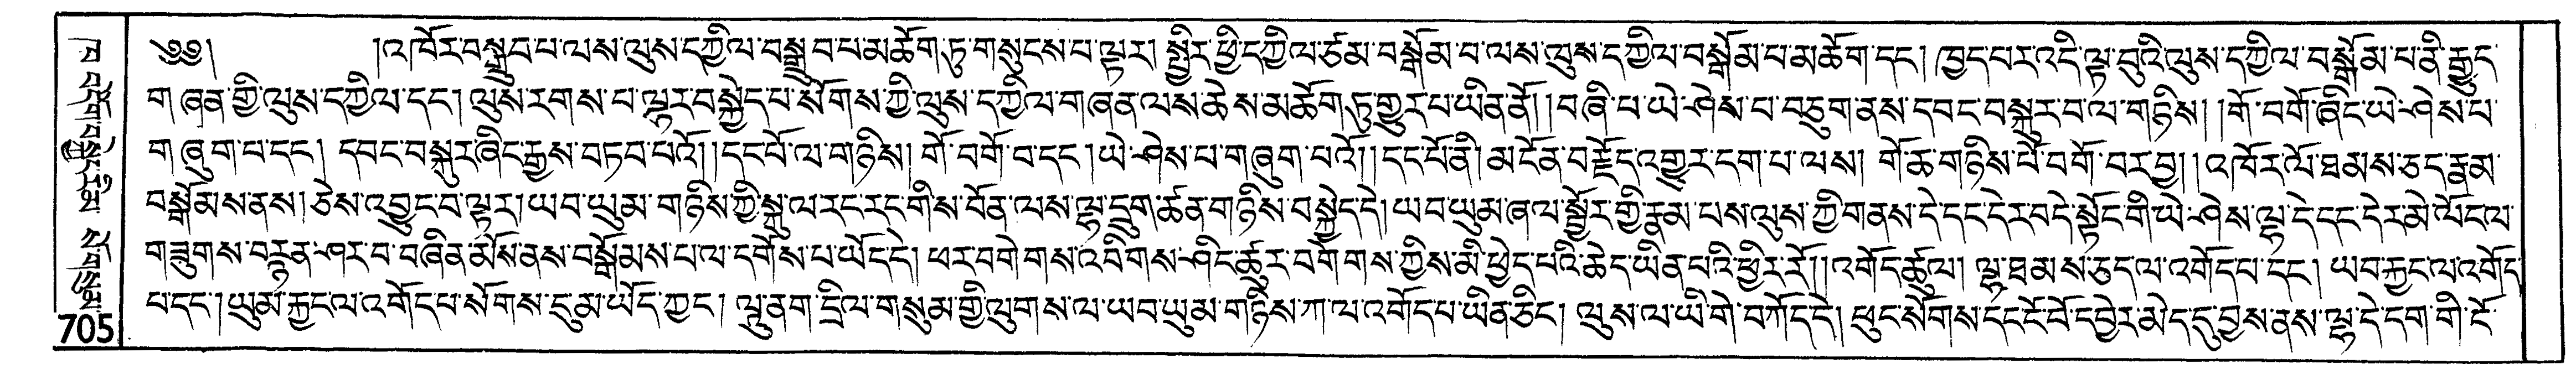༄༅། །འཁོར་བསྒྲུབ་པ་ལས་ལུས་དཀྱིལ་བསྒྲུབ་པ་མཆོག་ཏུ་གསུངས་པ་ལྟར། སྤྱིར་ཕྱི་དཀྱིལ་ཙམ་བསྒོམ་པ་ལས་ལུས་དཀྱིལ་བསྒོམ་པ་མཆོག་དང་། ཁྱད་པར་འདི་ལྟ་བུའི་ལུས་དཀྱིལ་བསྒོམ་པ་ནི་རྒྱུད་
གཞན་གྱི་ལུས་དཀྱིལ་དང་། ལུས་རགས་པ་ལྷར་བསྐྱེད་པ་སོགས་ཀྱི་ལུས་དཀྱིལ་གཞན་ལས་ཆེས་མཆོག་ཏུ་གྱུར་པ་ཡིན་ནོ། །བཞི་པ་ཡེ་ཤེས་པ་བཅུག་ནས་དབང་བསྐུར་བ་ལ་གཉིས། །གོ་བགོ་ཞིང་ཡེ་ཤེས་པ་
གཞུག་པ་དང་། དབང་བསྐུར་ཞིང་རྒྱས་བཏབ་པའོ། །དང་པོ་ལ་གཉིས། གོ་བགོ་བ་དང་། ཡེ་ཤེས་པ་གཞུག་པའོ། །དང་པོ་ནི། མངོན་བརྗོད་འགྱུར་དག་པ་ལས། གོ་ཆ་གཉིས་པོ་བགོ་བར་བྱ། །འཁོར་ལོ་ཐམས་ཅད་རྣམ་
བསྒོམས་ནས། ཅེས་འབྱུང་བ་ལྟར། ཡབ་ཡུམ་གཉིས་ཀྱི་སྐུ་ལ་རང་རང་གི་ས་བོན་ལས་ལྷ་དྲུག་ཚན་གཉིས་བསྐྱེད་དེ། ཡབ་ཡུམ་ཞལ་སྦྱོར་གྱི་རྣམ་པས་ལུས་ཀྱི་གནས་དེ་དང་དེར་བདེ་སྟོང་གི་ཡེ་ཤེས་ལྷ་དེ་དང་དེར་མེ་ལོང་ལ་
གཟུགས་བརྙན་ཤར་བ་བཞིན་མོས་ནས་བསྒོམས་པ་ལ་དགོས་པ་ཡོད་དེ། ཕར་བགེགས་འབིགས་ཤིང་ཚུར་བགེགས་ཀྱིས་མི་ཕྱེད་པའི་ཆེད་ཡིན་པའི་ཕྱིར་རོ། །འགོད་ཚུལ། ལྷ་ཐམས་ཅད་ལ་འགོད་པ་དང་། ཡབ་རྐྱང་ལ་འགོད་
པ་དང་། ཡུམ་རྐྱང་ལ་འགོད་པ་སོགས་དུ་མ་ཡོད་ཀྱང་། ལཱུ་ནག་དྲིལ་གསུམ་གྱི་ལུགས་ལ་ཡབ་ཡུམ་གཉིས་ཀ་ལ་འགོད་པ་ཡིན་ཅིང་། ལུས་ལ་ཡི་གེ་བཀོད་དེ། ཕུང་སོགས་དང་ངོ་བོ་དབྱེར་མེད་དུ་བྱས་ནས་ལྷ་དེ་དག་གི་ངོ་